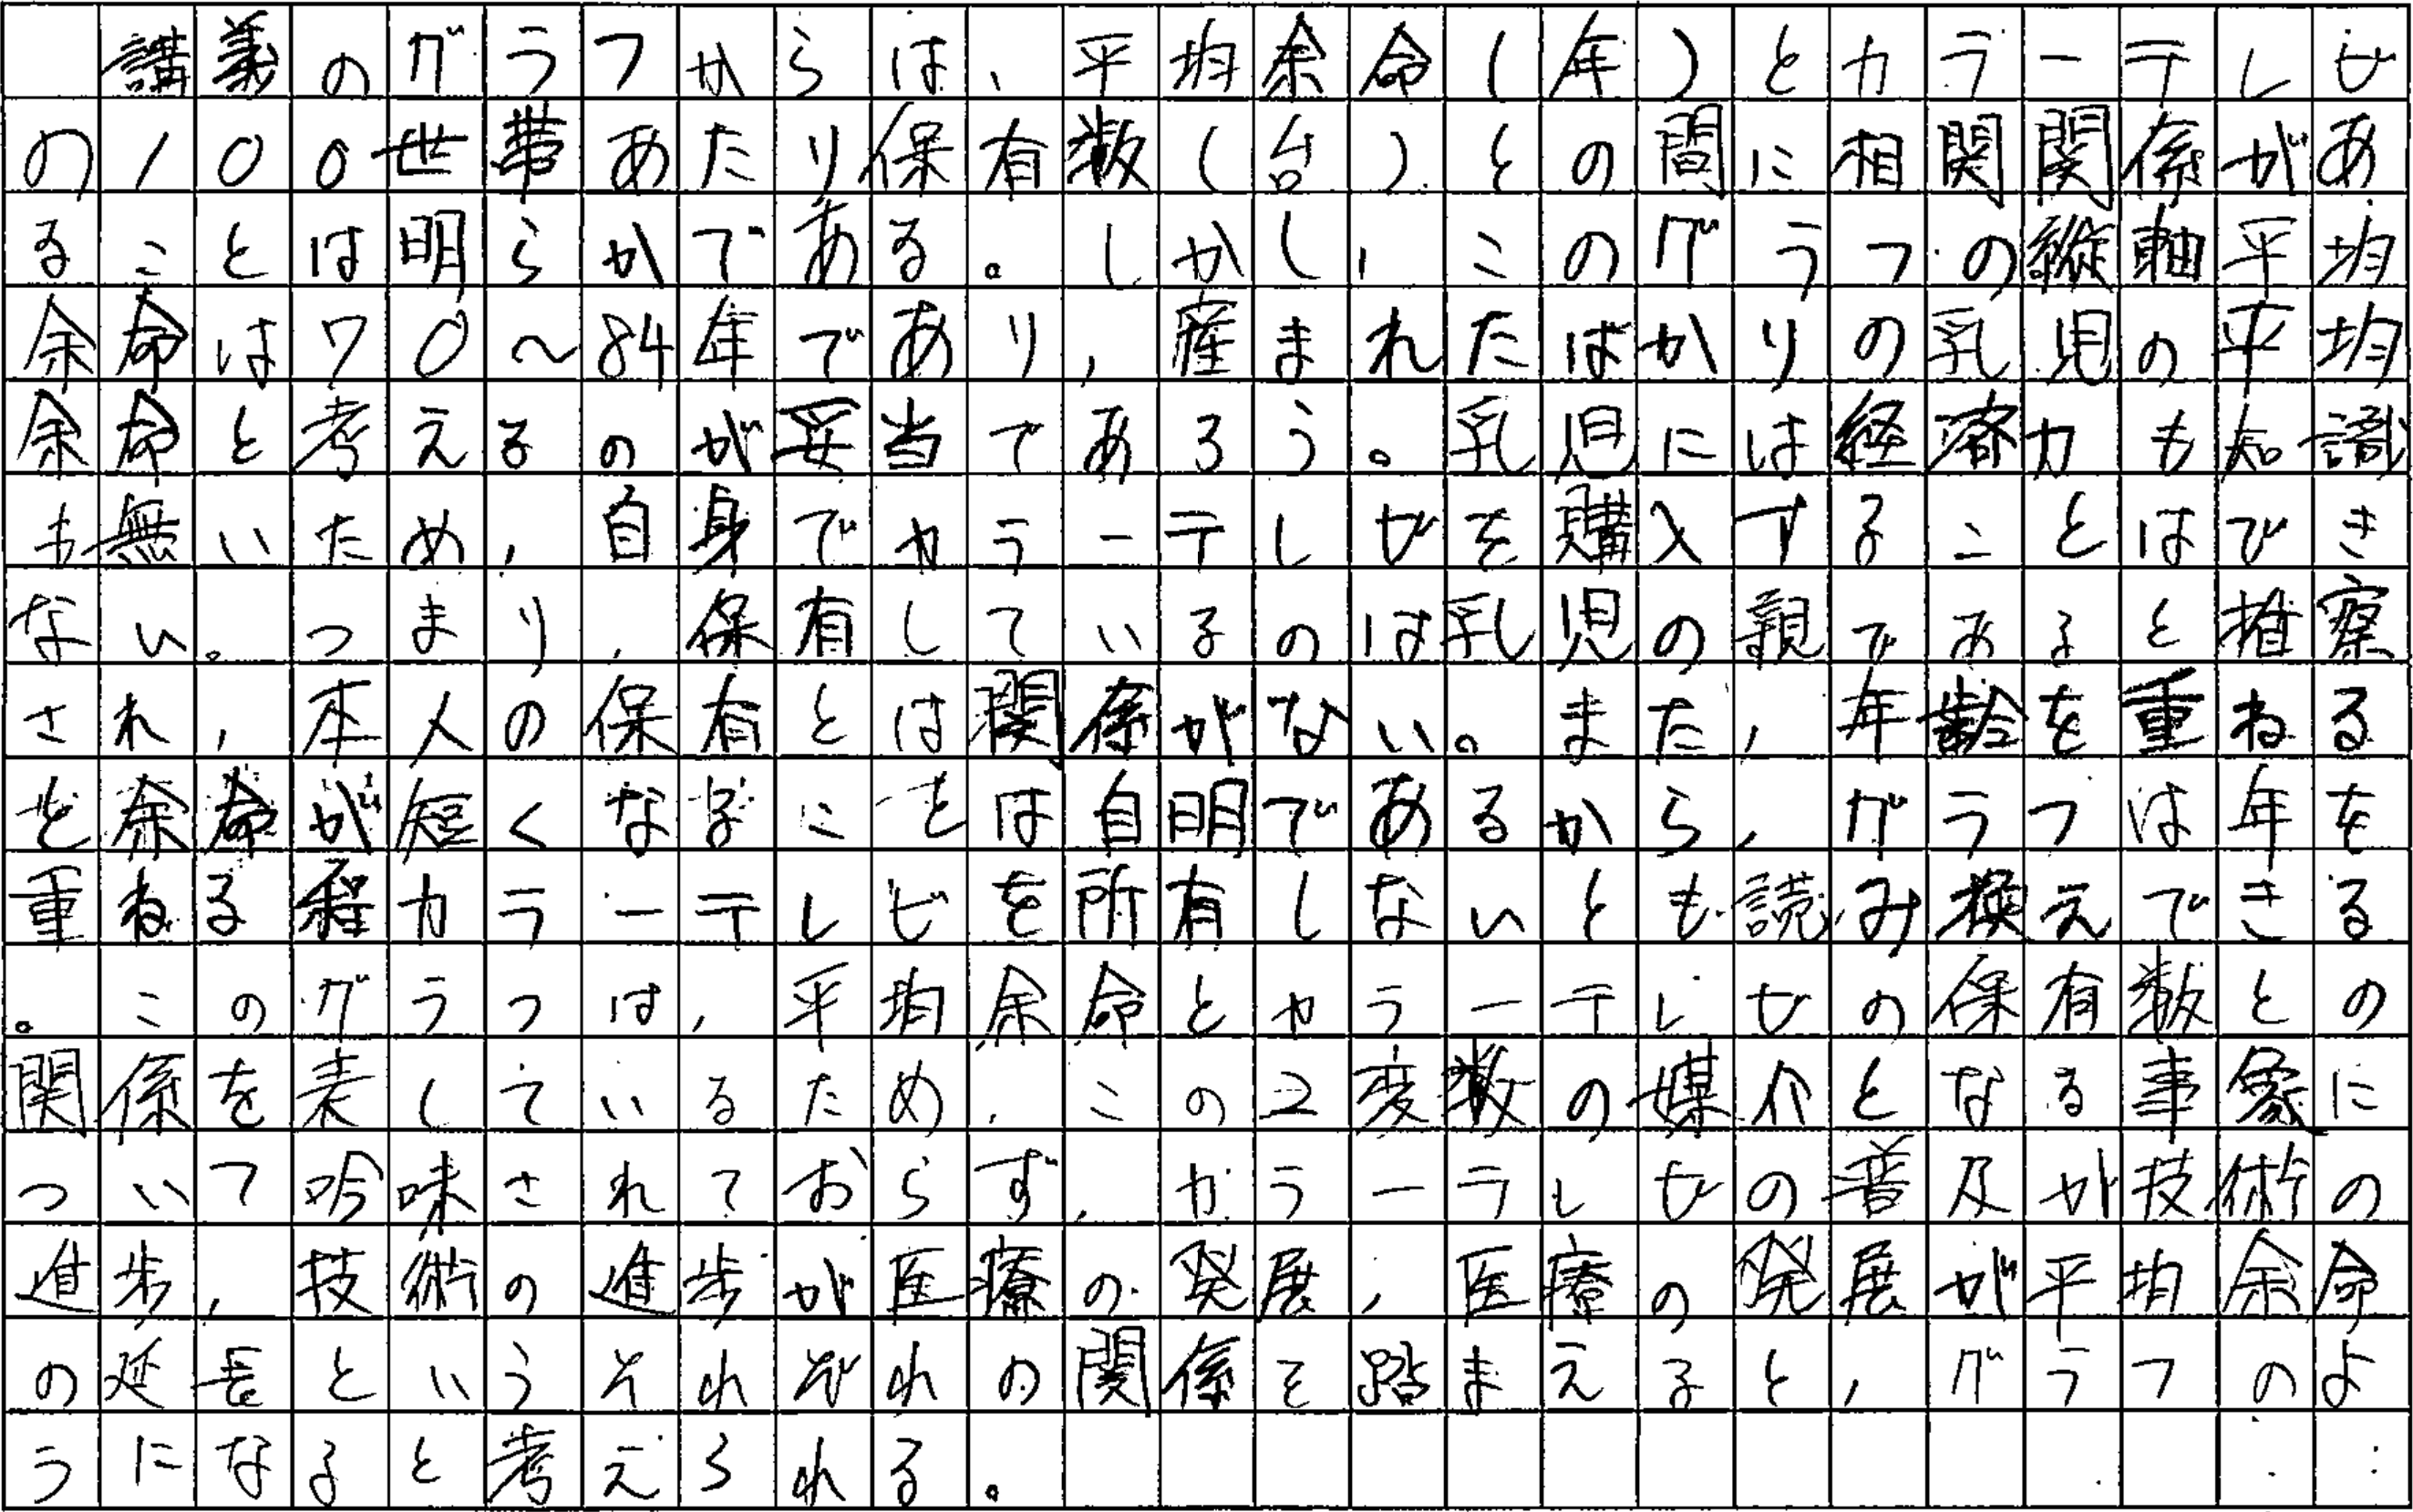　講義のグラフからは、平均余命（年）とカラーテレビの１００世帯あたり保有数（台）との間に相関関係があることは明らかである。しかし、このグラフの縦軸平均余命は７０～84年であり、産まれたばかりの乳児の平均余命と考えるのが妥当であろう。乳児には経済力も知識も無いため、自身でカラーテレビを購入することはできない。つまり、保有しているのは乳児の親であると推察され、本人の保有とは関係がない。また、年齢を重ねると余命が短くなることは自明であるから、グラフは年を重ねる程カラーテレビを所有しないとも読み換えできる。このグラフは、平均余命とカラーテレビの保有数との関係を表しているため、この２変数の媒介となる事象について吟味されておらず、カラーテレビの普及が技術の進歩、技術の進歩が医療の発展、医療の発展が平均余命の延長というそれぞれの関係を踏まえると、グラフのようになると考えられる。
